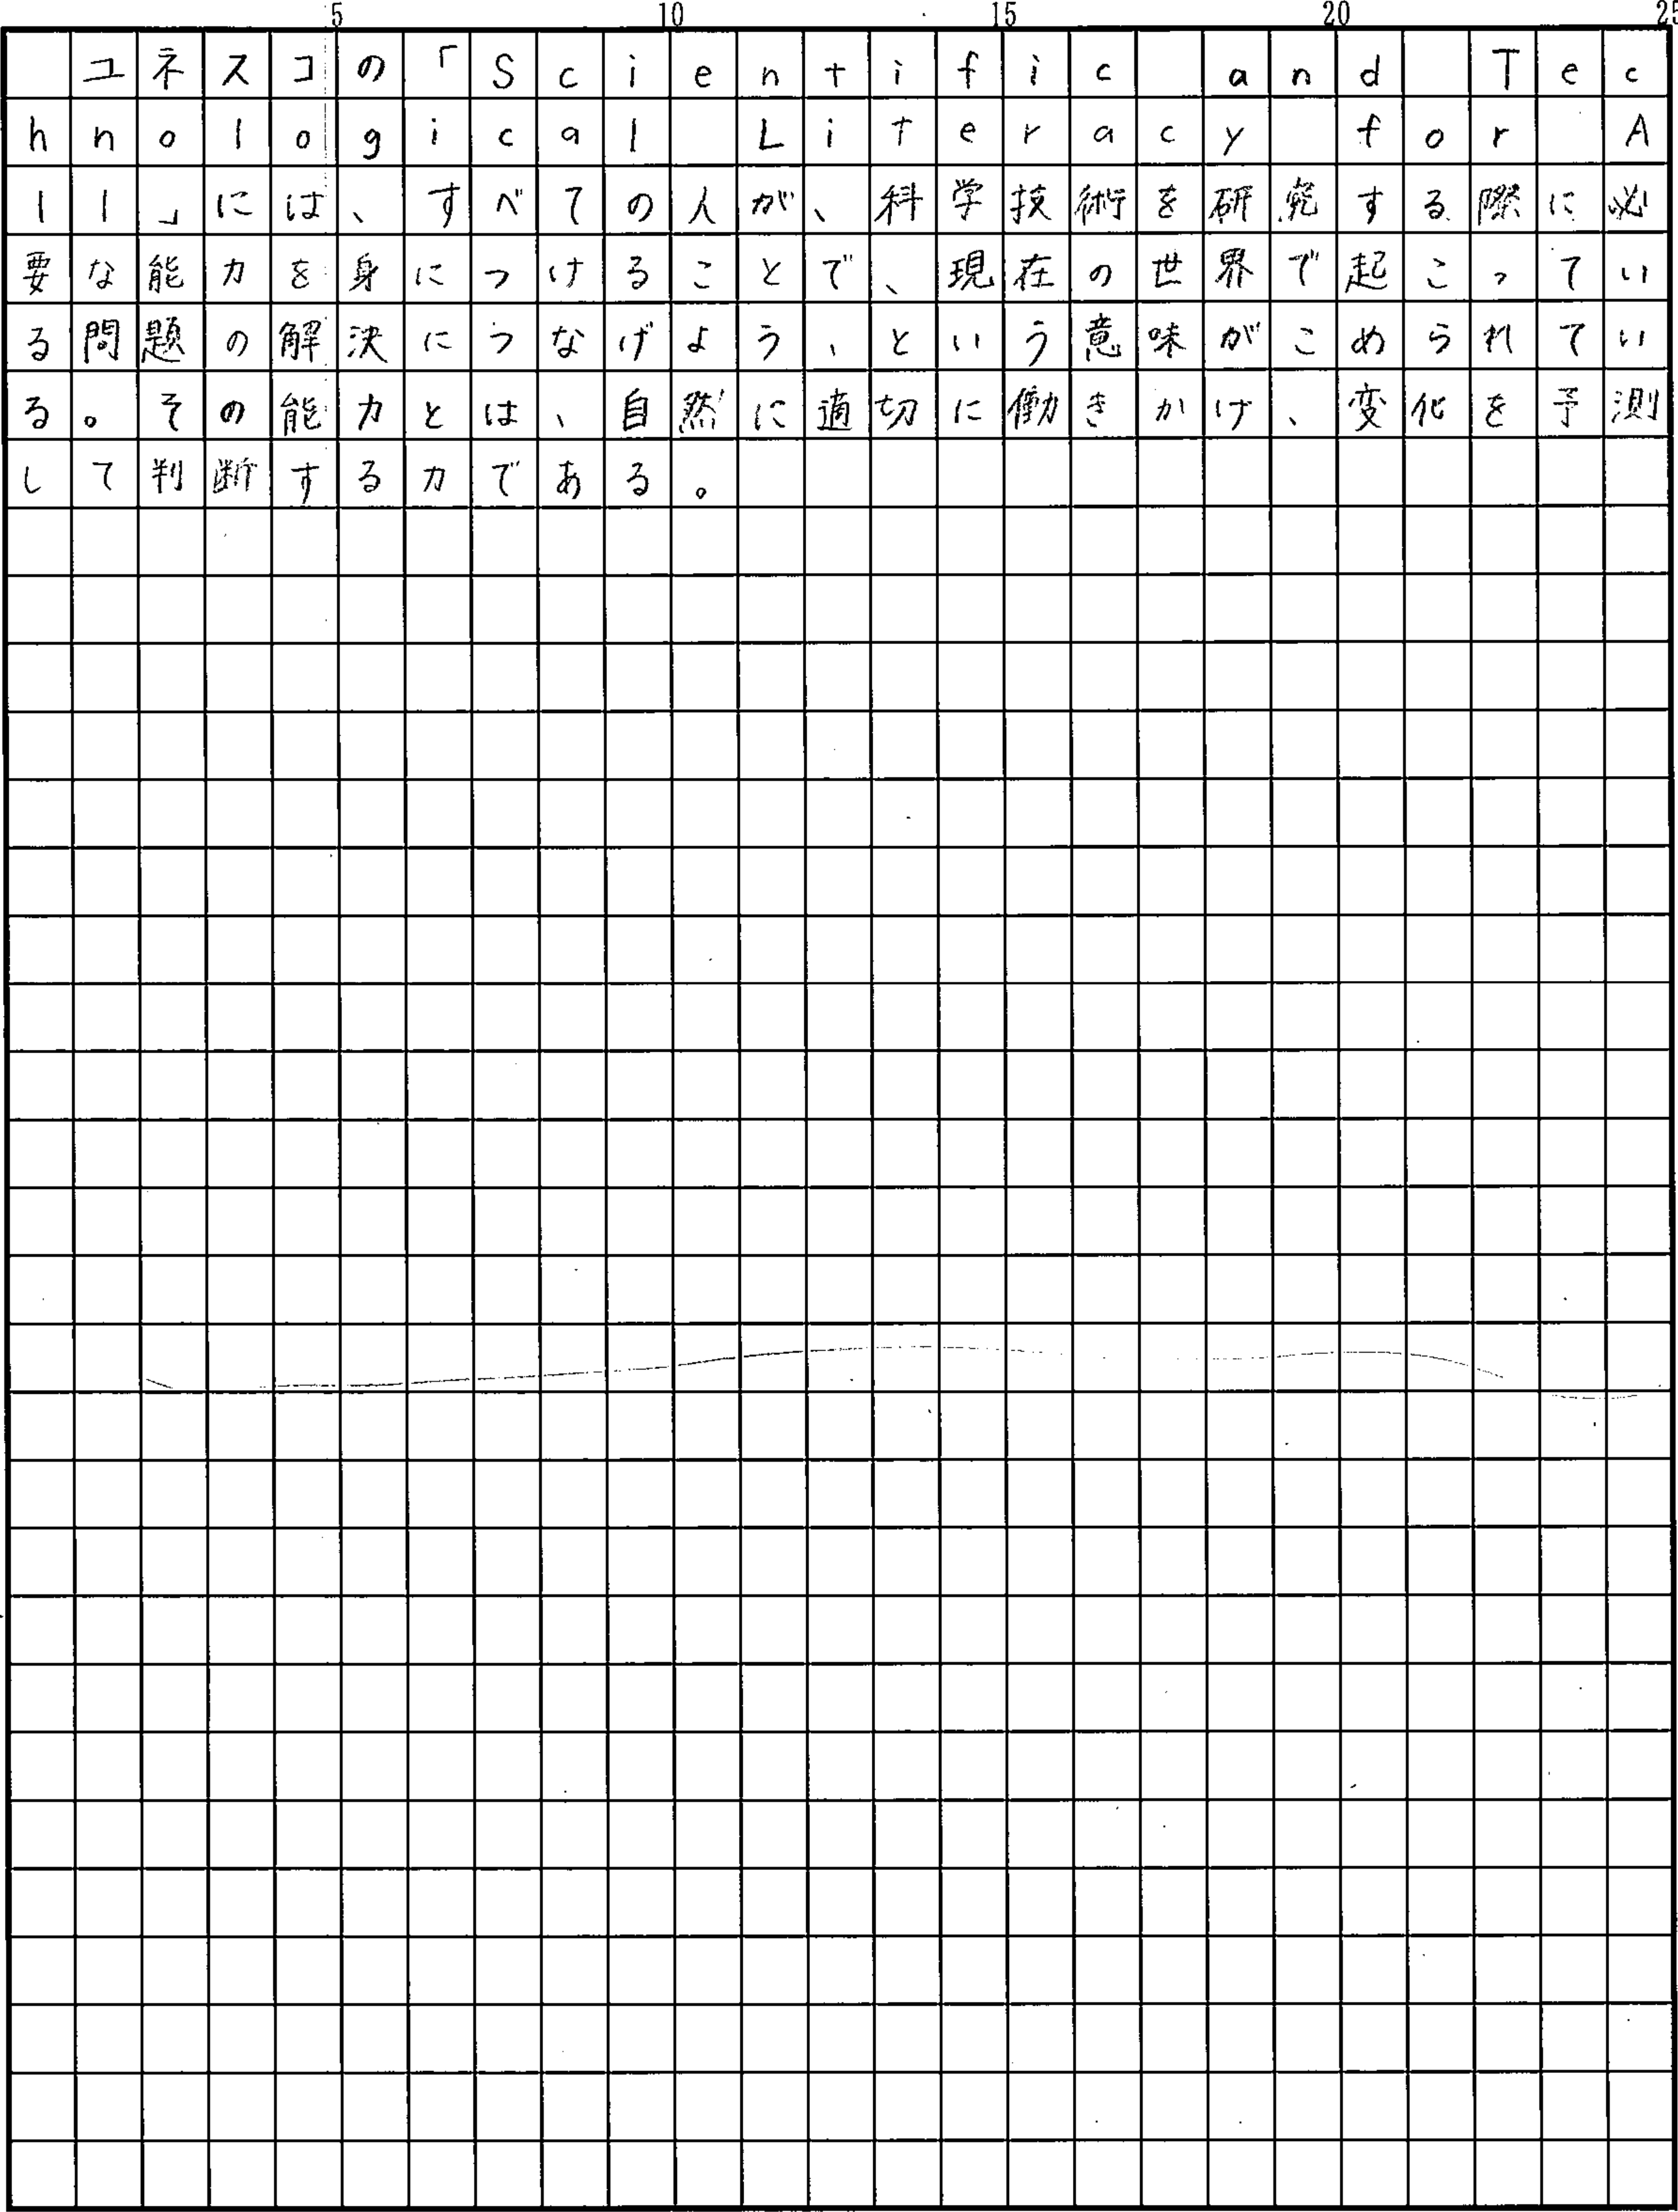　ユネスコの「Ｓｃｉｅｎｔｉｆｉｃ　ａｎｄ　Ｔｅｃｈｎｏｌｏｇｉｃａｌ　Ｌｉｔｅｒａｃｙ　ｆｏｒ　Ａｌｌ」には、すべての人が、科学技術を研究する際に必要な能力を身につけることで、現在の世界で起こっている問題の解決につなげよう、という意味がこめられている。その能力とは、自然に適切に働きかけ、変化を予測して判断する力である。
